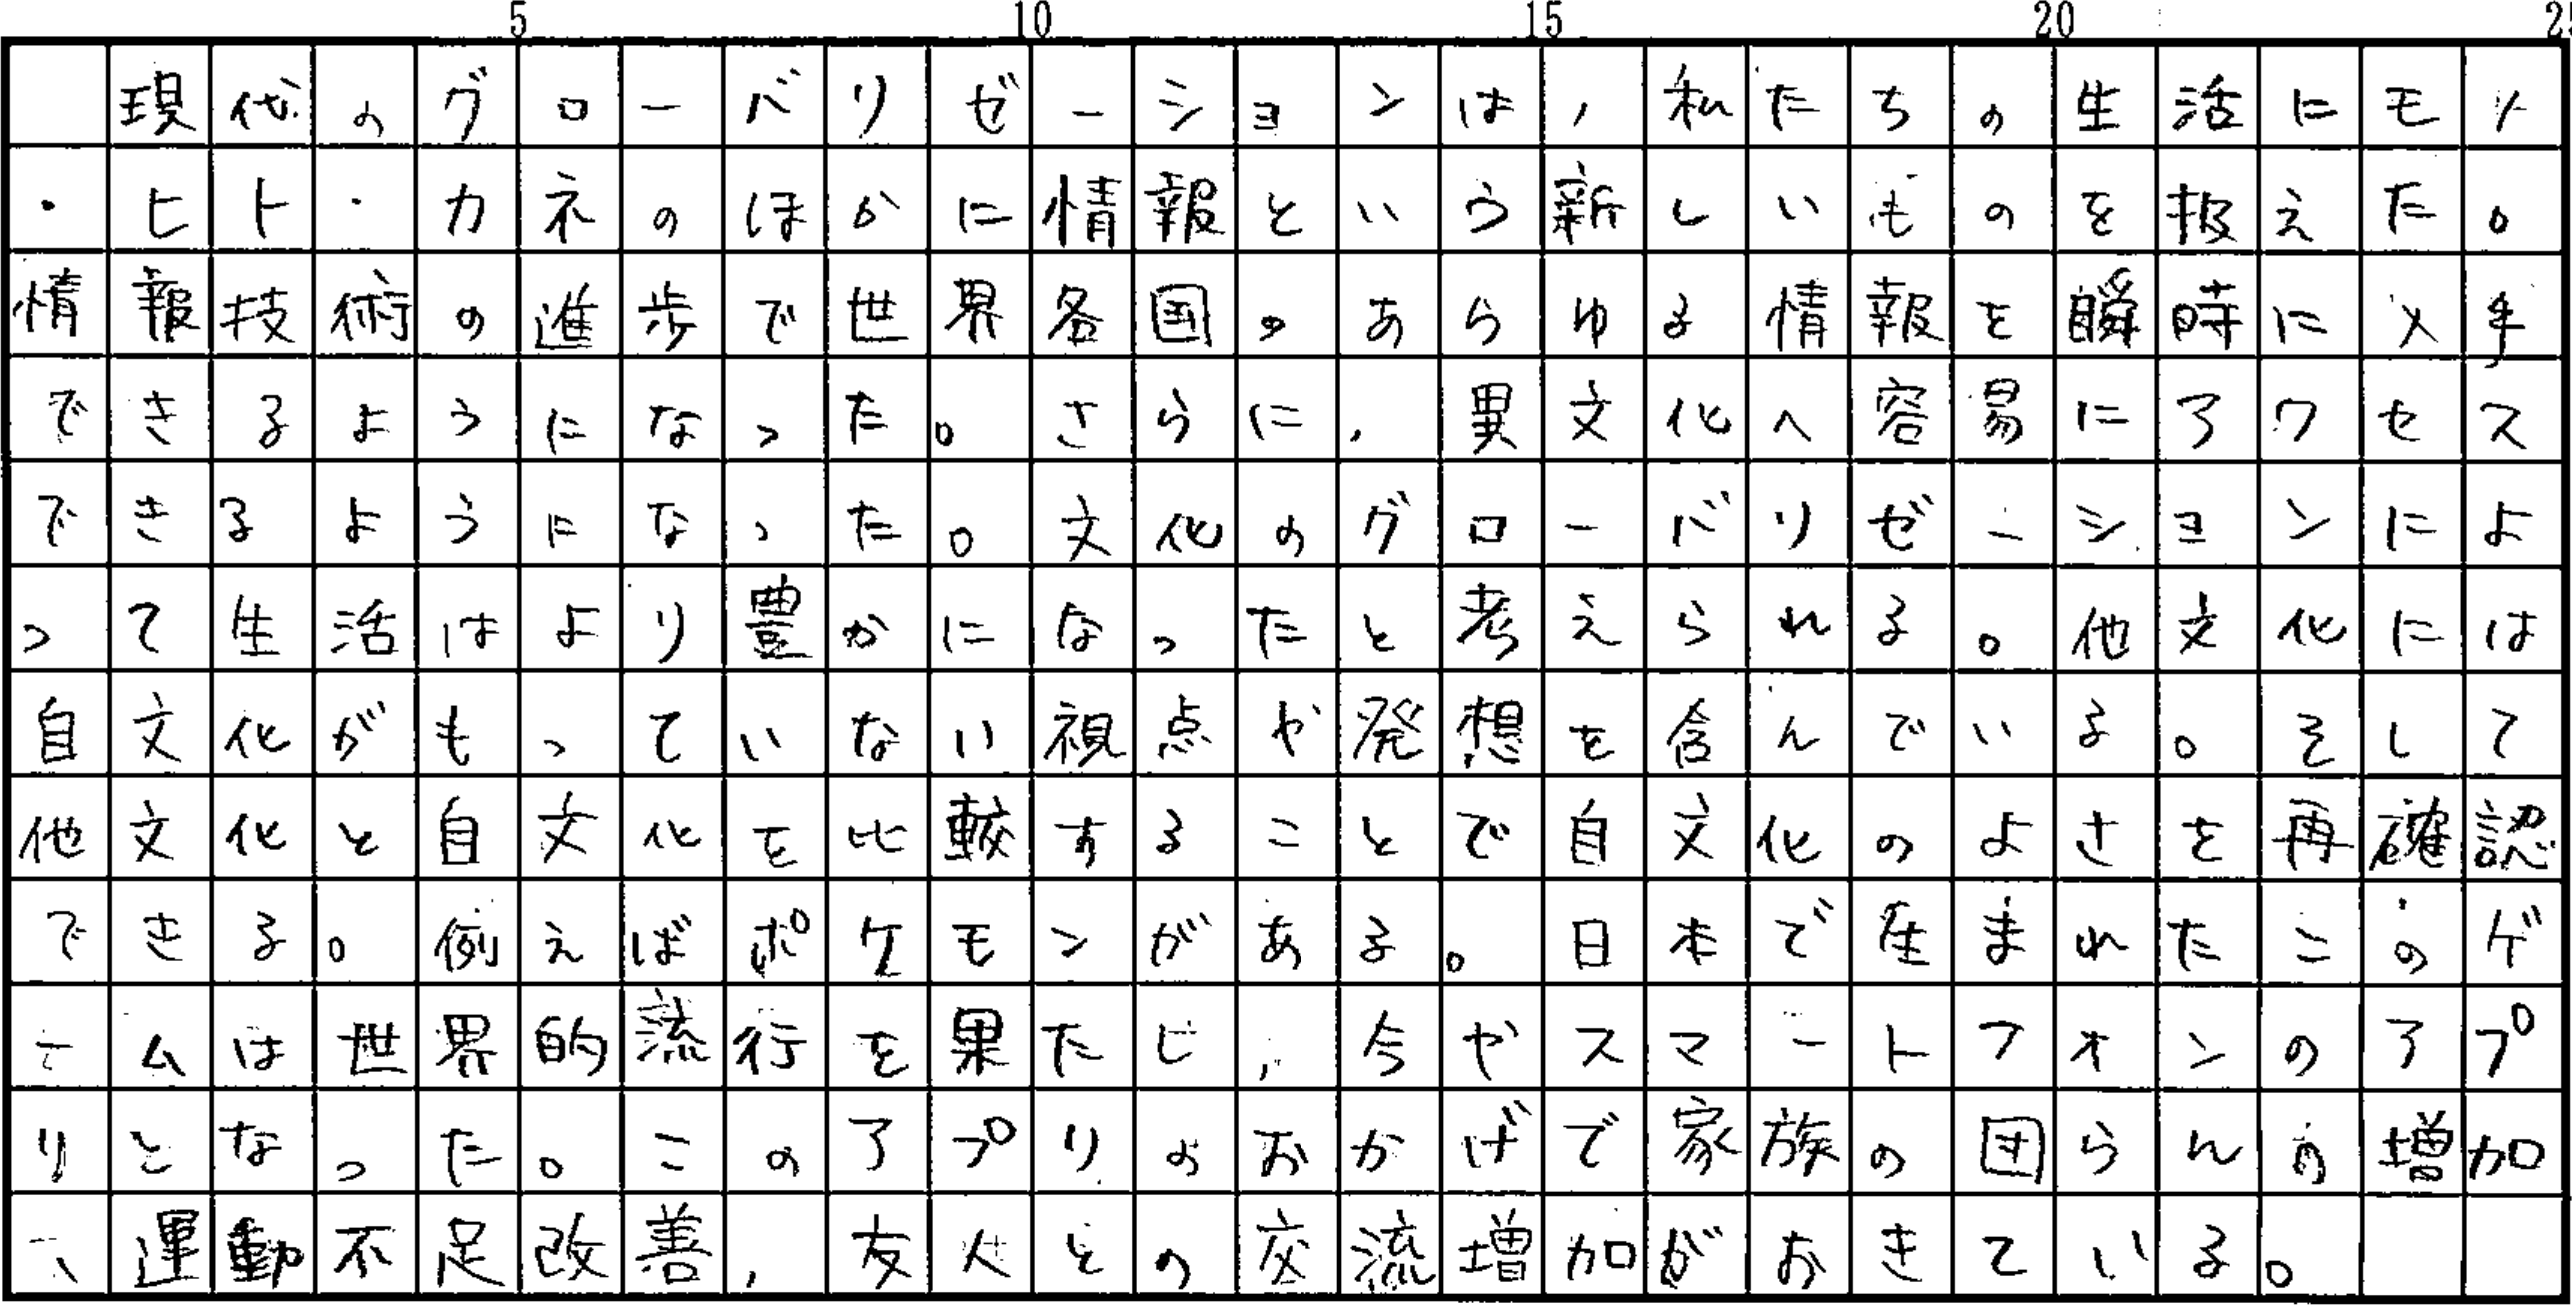　現代のグローバリゼーションは、私たちの生活にモノ・ヒト・カネのほかに情報という新しいものを扱えた。情報技術の進歩で世界各国のあらゆる情報を瞬時に入手できるようになった。さらに、異文化へ容易にアクセスできるようになった。文化のグローバリゼーションによって生活はより豊かになったと考えられる。他文化には自文化がもっていない視点や発想を含んでいる。そして他文化と自文化を比較することで自文化のよさを再確認できる。例えばポケモンがある。日本で生まれたこのゲームは世界的流行を果たし、今やスマートフォンのアプリとなった。このアプリのおかげで家族の団らんの増加、運動不足改善、友人との交流増加がおきている。
